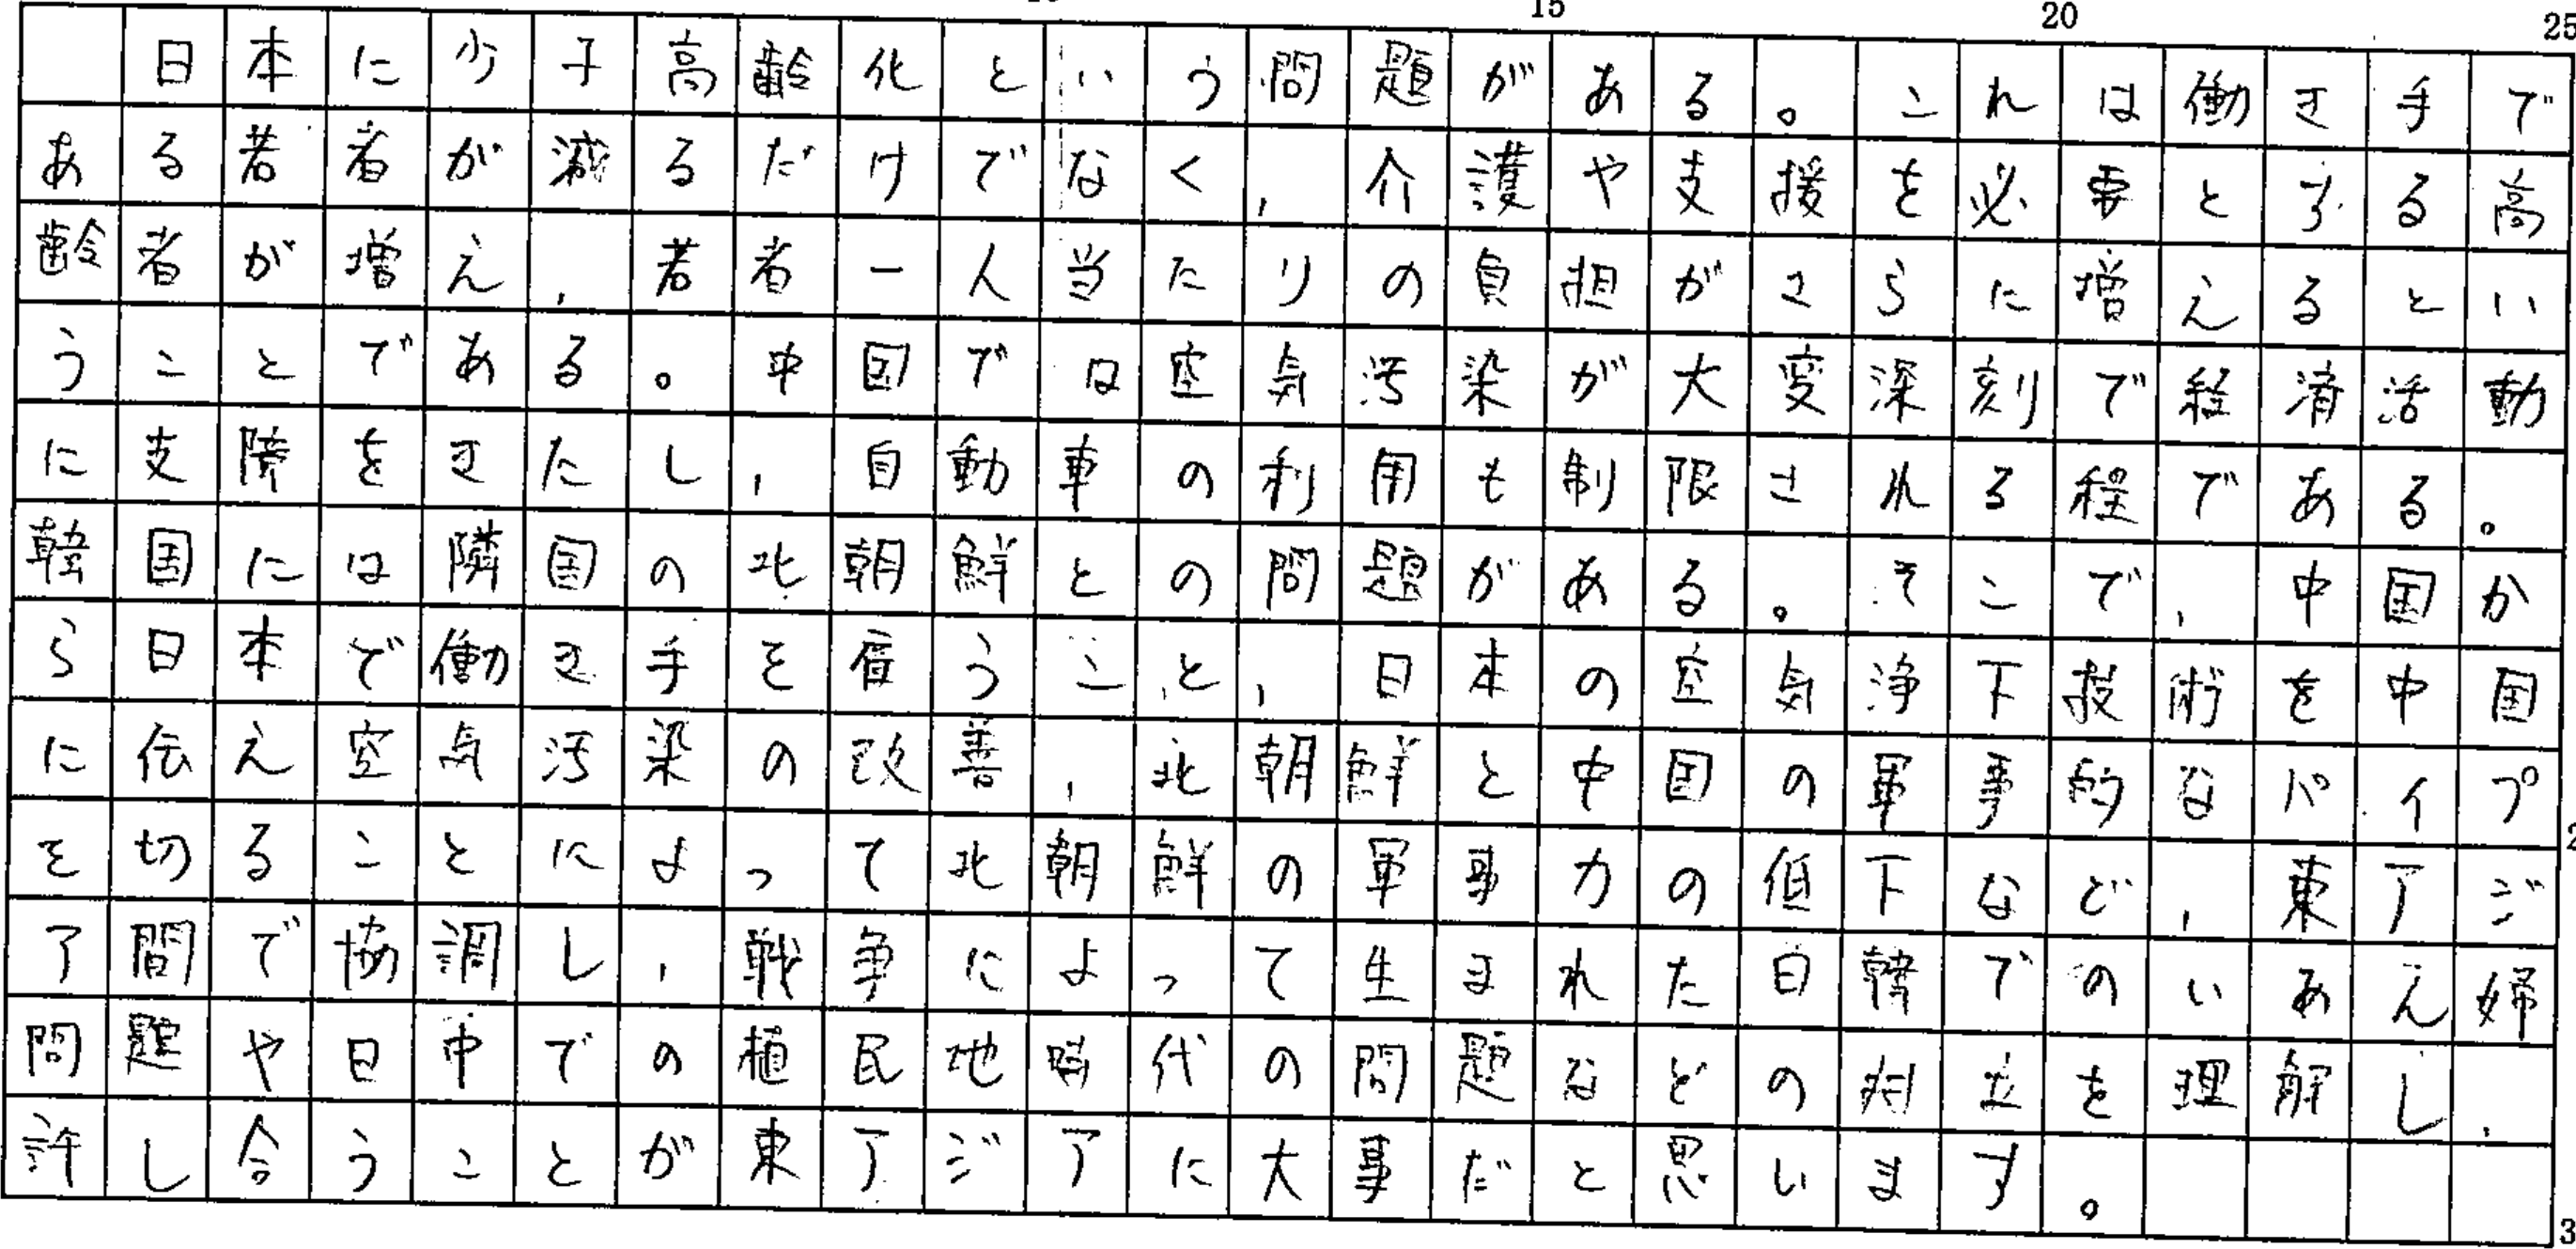　日本に少子高齢化という問題がある。これは働き手である若者が減るだけでなく、介護や支援を必要とする高齢者が増え、若者一人当たりの負担がさらに増えるということである。中国では空気汚染が大変深刻で経済活動に支障をきたし，自動車の利用も制限される程である。韓国には隣国の北朝鮮との問題がある。そこで、中国から日本で働き手を雇うこと，日本の空気浄下技術を中国に伝え空気汚染の改善，北朝鮮と中国の軍事的なパイプを切ることによって北朝鮮の軍事力の低下など、東アジア間で協調し，戦争によって生まれた日韓でのいあん婦問題や日中での植民地時代の問題などの対立を理解し、許し合うことが東アジアに大事だと思います。
